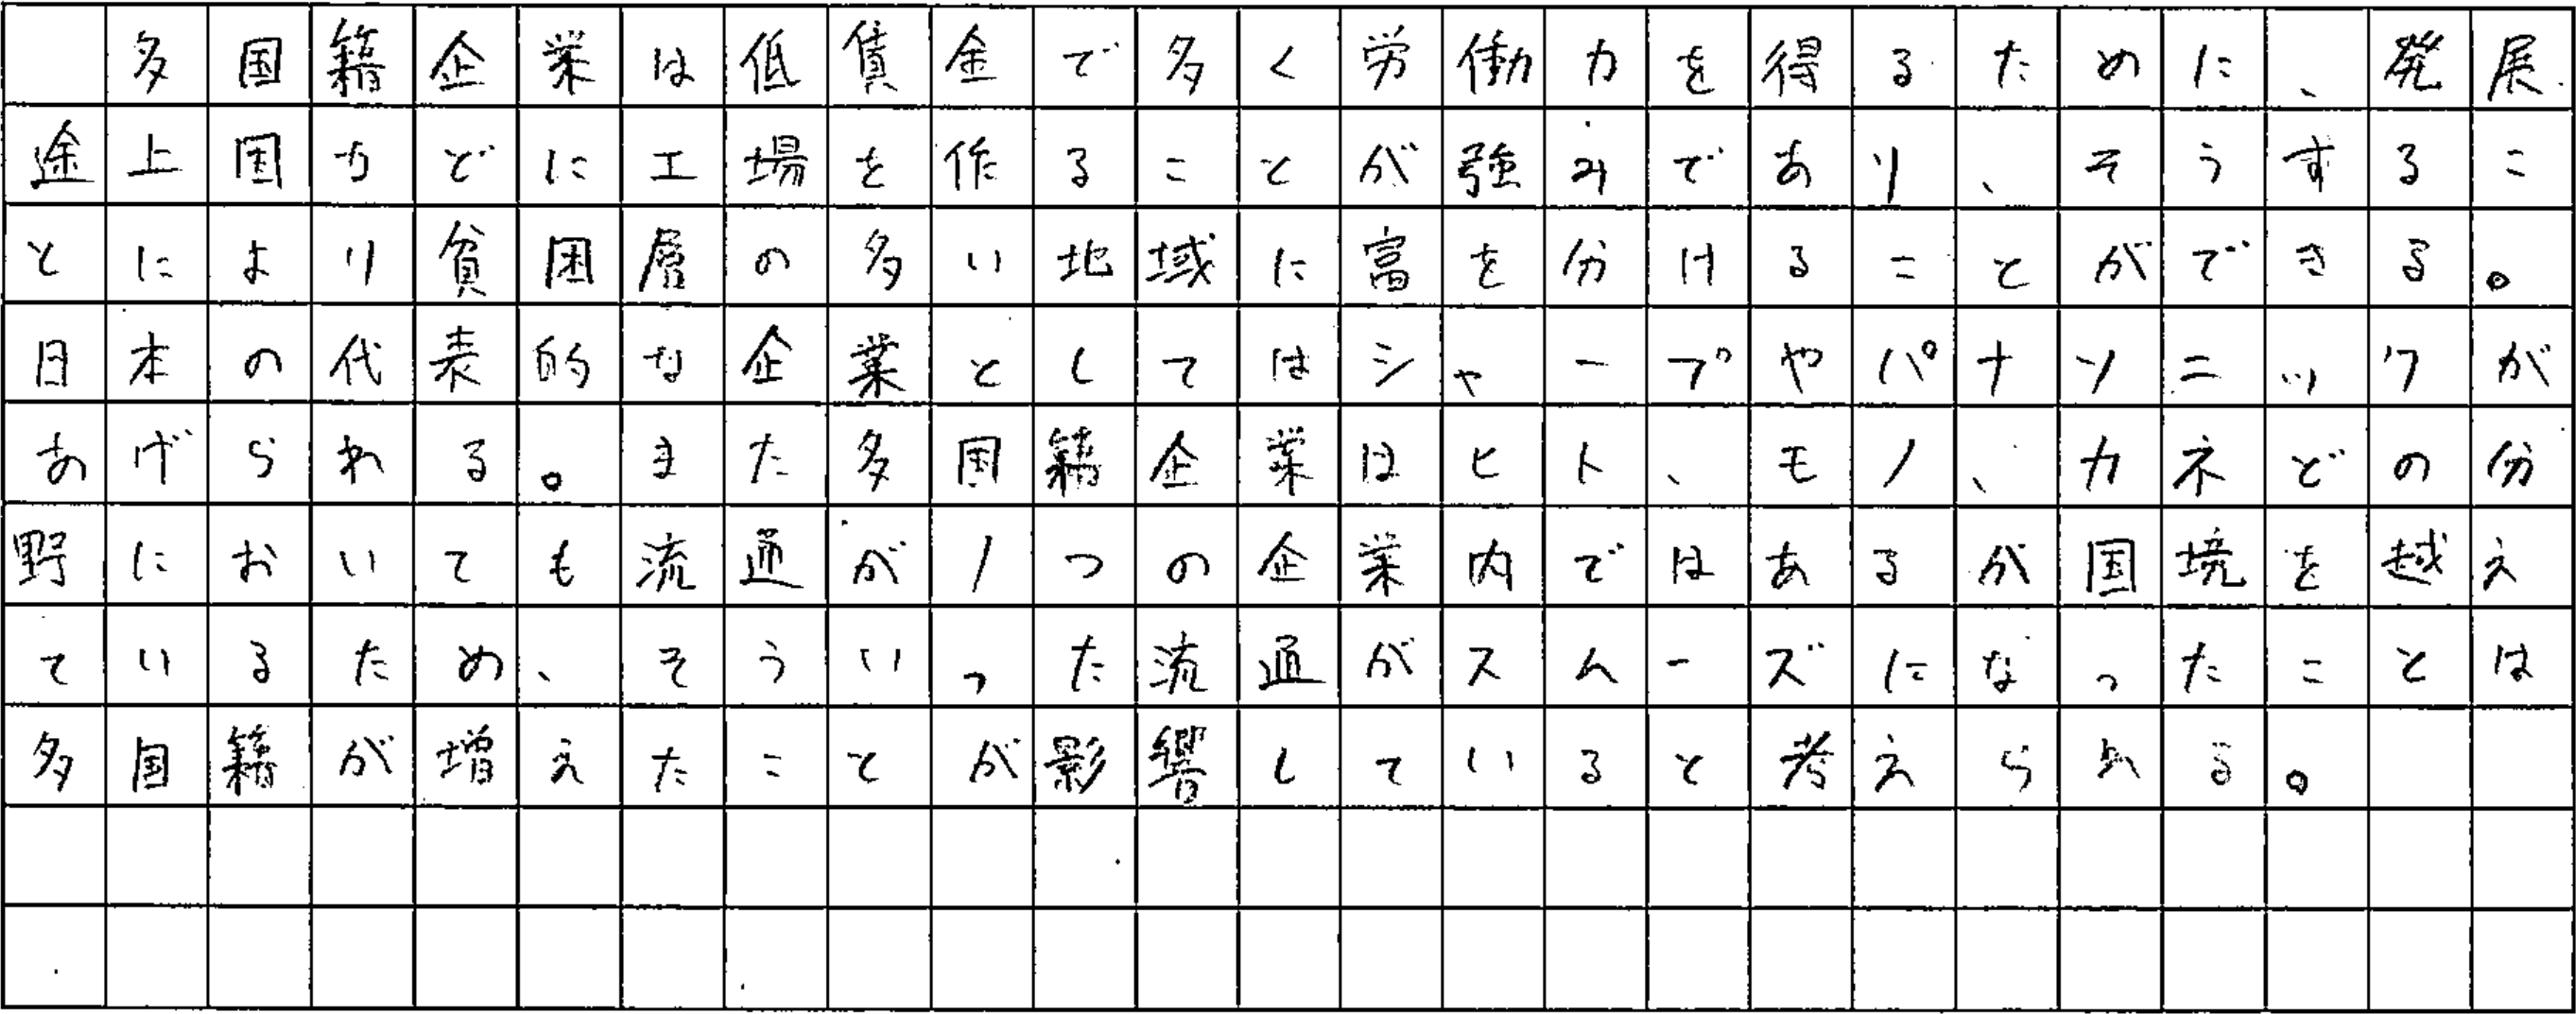　多国籍企▁は低賃金で多く労働力を得るために、発展途上国などに工場を作ることが強みであり、そうすることにより貧困層の多い地域に富を分けることができる。日本の代表的な企業としてはシャープやパナソニックがあげられる。また多国籍企業はヒト、モノ、カネどの分野においても流通が１つの企業内ではあるが国▁を越えているため、そういった流通がスムーズになったことは多国籍が増えたことが影響していると考えられる。
